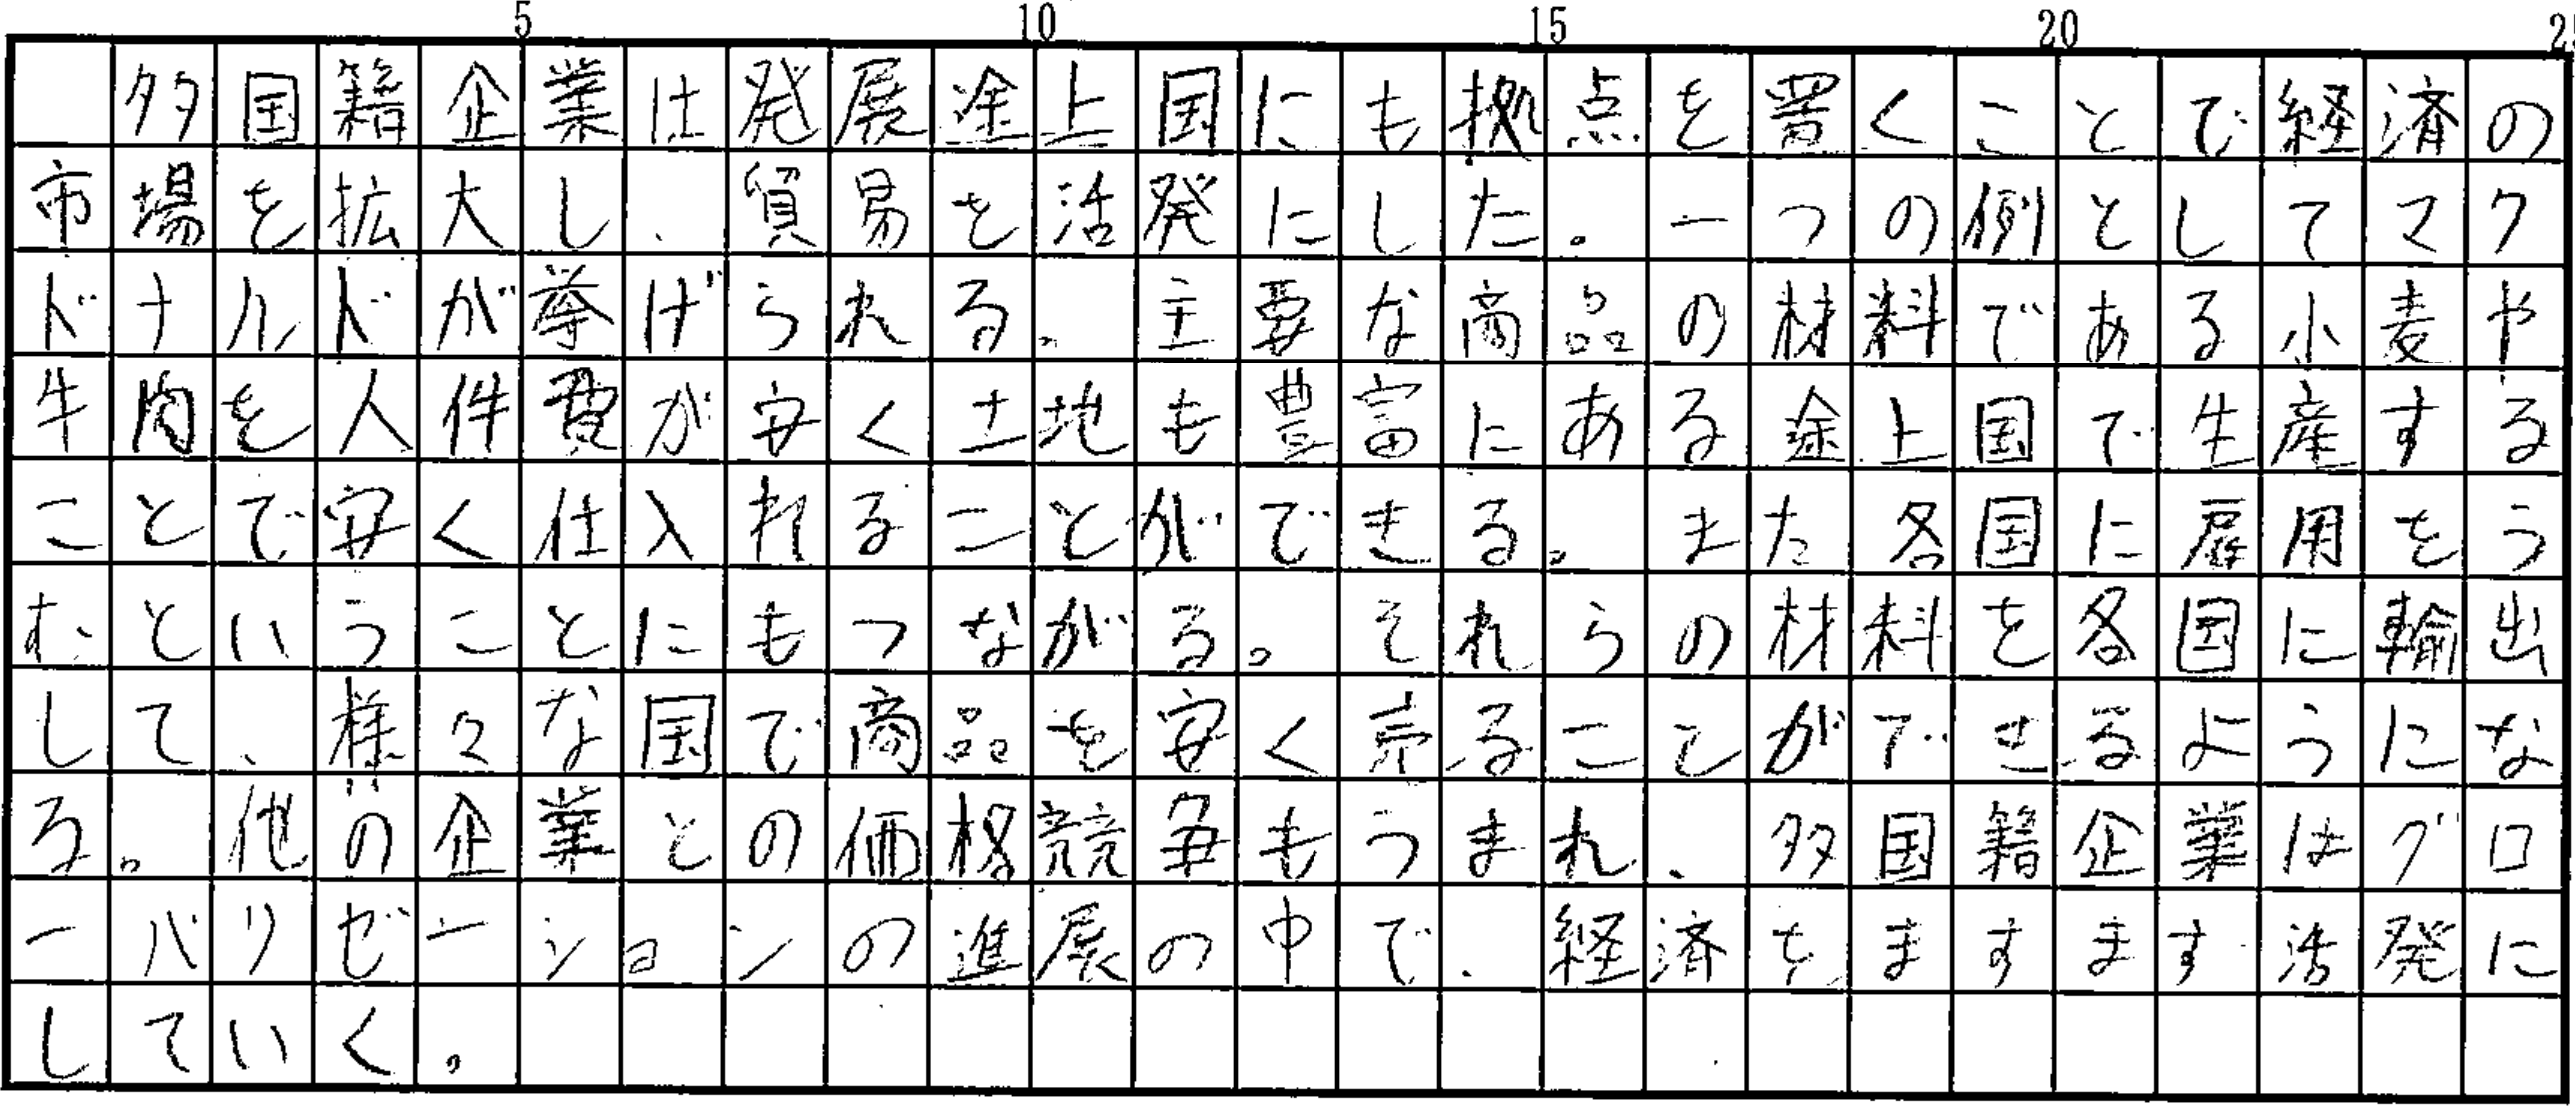　多国籍企業は発展途上国にも拠点を置くことで経済の市場を拡大し、貿易を活発にした。一つの例としてマクドナルドが挙げられる。主要な商品の材料である小麦や牛肉を人件費が安く土地も豊富にある途上国で生産することで安く仕入れることができる。また各国に雇用をうむということにもつながる。それらの材料を各国に輸出して、様々な国で商品を安く売ることができるようになる。他の企業との価格競争もうまれ、多国籍企業はグローバリゼーションの進展の中で、経済をますます活発にしていく。
